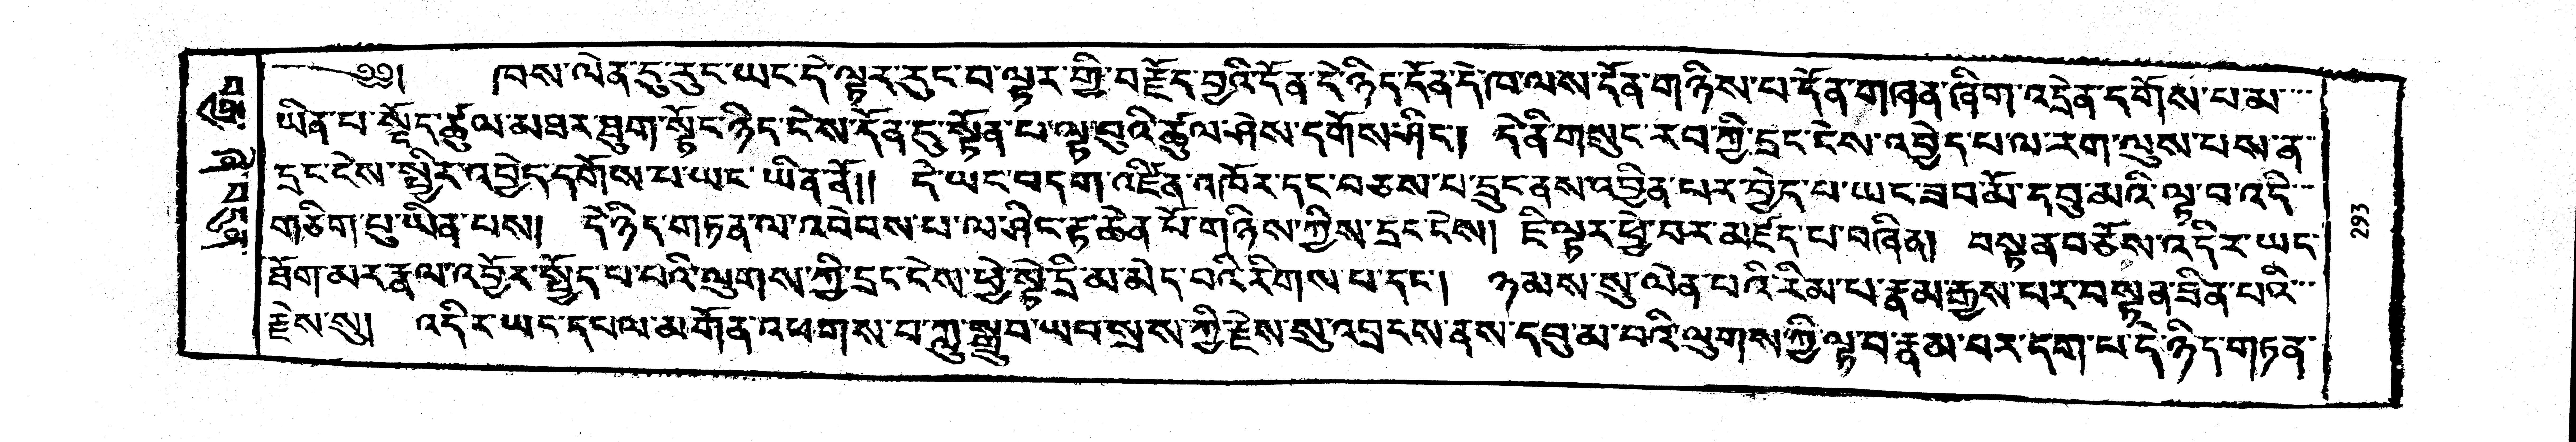༄༅། །ཁས་ལེན་དུ་རུང་ཡང་དེ་ལྟར་རུང་བ་ལྟར་གྱི་བརྗོད་བྱའི་དོན་དེ་ཉིད་དོན་དེ་ཁ་ལས་དོན་གཉིས་པ་དོན་གཞན་ཞིག་འདྲེན་དགོས་པ་མ་
ཡིན་པ་སྡོད་ཚུལ་མཐར་ཐུག་སྟོང་ཉིད་ངེས་དོན་དུ་སྟོན་པ་ལྟ་བུའི་ཚུལ་ཤེས་དགོས་ཤིང་། དེ་ནི་གསུང་རབ་ཀྱི་དྲང་ངེས་འབྱེད་པ་ལ་རག་ལུས་པས་ན་
དྲང་ངེས་སྤྱིར་འབྱེད་དགོས་པ་ཡང་ཡིན་ནོ། །དེ་ཡང་བདག་འཛིན་འཁོར་དང་བཅས་པ་དྲུང་ནས་འབྱིན་པར་བྱེད་པ་ཡང་ཟབ་མོ་དབུ་མའི་ལྟ་བ་འདི་
གཅིག་པུ་ཡིན་པས། དེ་ཉིད་གཏན་ལ་འབེབས་པ་ལ་ཤིང་རྟ་ཆེན་པོ་གཉིས་ཀྱིས་དྲང་ངེས། ཇི་ལྟར་ཕྱེ་བར་མཛད་པ་བཞིན། བསྟན་བཅོས་འདིར་ཡང་
ཐོག་མར་རྣལ་འབྱོར་སྤྱོད་པ་པའི་ལུགས་ཀྱི་དྲང་ངེས་ཕྱེ་སྟེ་དྲི་མ་མེད་པའི་རིགས་པ་དང་། ཉམས་སུ་ལེན་པའི་རིམ་པ་རྣམ་རྒྱས་པར་བསྟན་ཟིན་པའི་
རྗེས་སུ། འདིར་ཡང་དཔལ་མགོན་འཕགས་པ་ཀླུ་སྒྲུབ་ཡབ་སྲས་ཀྱི་རྗེས་སུ་འབྲངས་ནས་དབུ་མ་པའི་ལུགས་ཀྱི་ལྟ་བ་རྣམ་པར་དག་པ་དེ་ཉིད་གཏན་